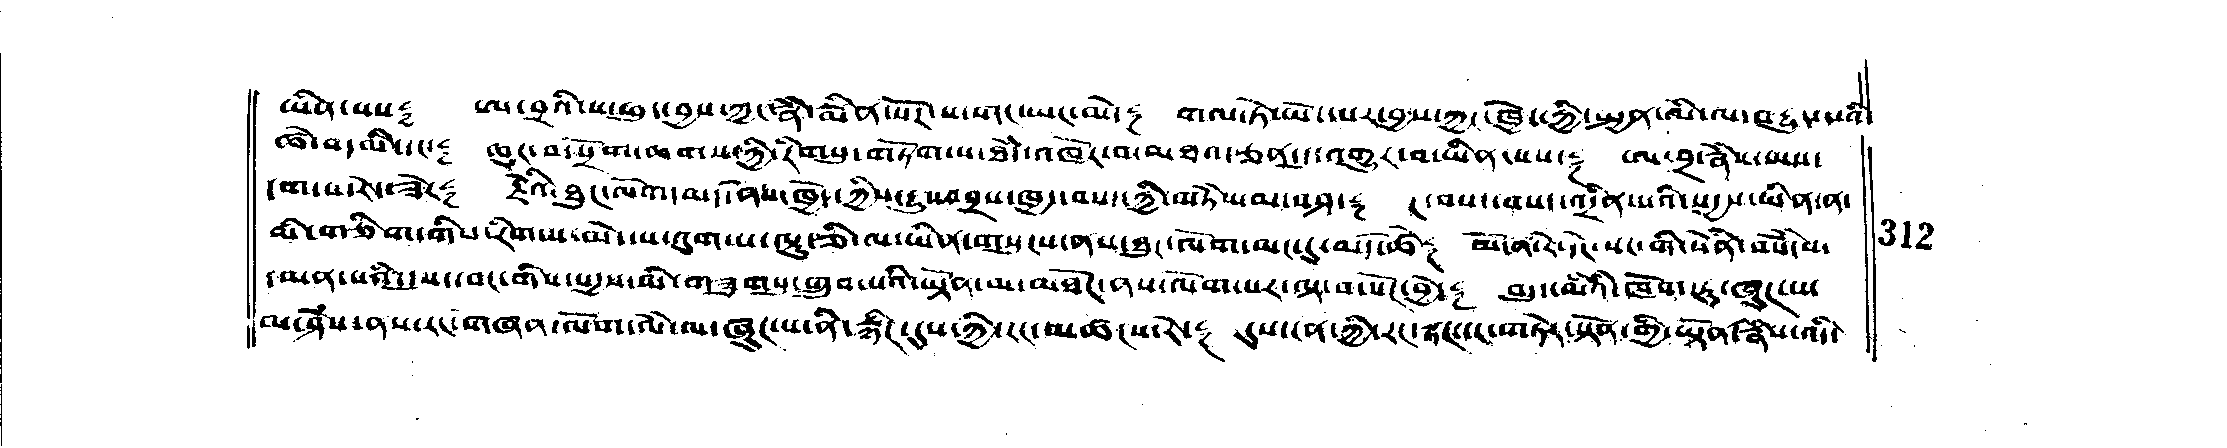ཡིན་པས། ཨ་བྲའི་ས་ཕུད་བྱས་ཀྱང་རྣམ་སྨིན་སོགས་པ་གང་ཡང་མེད། གལ་ཏེ་ཡོད་པར་བྱས་ཀྱང་ཁྱེད་ཀྱི་སྤྱན་ལམ་ལ་བརྒྱུད་པའི་
ཆེ་བ་མི་དང་། ཆུང་བ་སྲོག་ཆགས་ཀྱི་རིགས་སུ་གཏོགས་པ་ཐམས་ཅད་འཁོར་བ་མཐའ་ཅན་དུ་འགྱུར་བ་ཡིན་པས། ཨ་བྲ་རྣམས་ལས་
དག་པ་རེད་ཟེར། རྗེའི་ཐུགས་ལོག་མཛད་ནས་ཁྱོད་ཀྱི་རྒྱུ་འབྲས་ཁྱད་བསད་ཀྱི་གཏམ་མ་བཤད། ང་བསད་བསད་འདྲེན་པའི་སངས་རྒྱས་ཡིན་ན་
མི་གཅིག་གིས་རིག་པ་མེད་པ་འུག་པ་ལྟ་བུ་ཅི་ལ་ཡིན་གསུངས་ནས་ཐུགས་ལོག་མང་དུ་མཛད་ཚེ། མོ་ན་རེ་དེང་སང་གི་སེམས་ཅན་བསོད་ནམས་
དམན་པའི་དུས་དབང་གིས་སངས་རྒྱས་མི་གཟུགས་སུ་གྲུབ་པའི་ཡོན་ཏན་མ་མཐོང་ནས་ལོག་པར་ལྟ་བ་སོགས་བྱེད། བདུད་མིའི་ཁོག་ཏུ་ཞུགས་པ་
མ་ཤེས་ནས་རང་གཞན་ལོག་ལམ་ལ་ཞུགས་པ་ནི་སྙིགས་དུས་ཀྱི་རང་མཚང་རེད། དུས་ངན་ཀྱི་རང་རྟགས་དང་གཏེར་སྟོན་གྱི་ཡོན་ཏན་རྣམས་འདི་